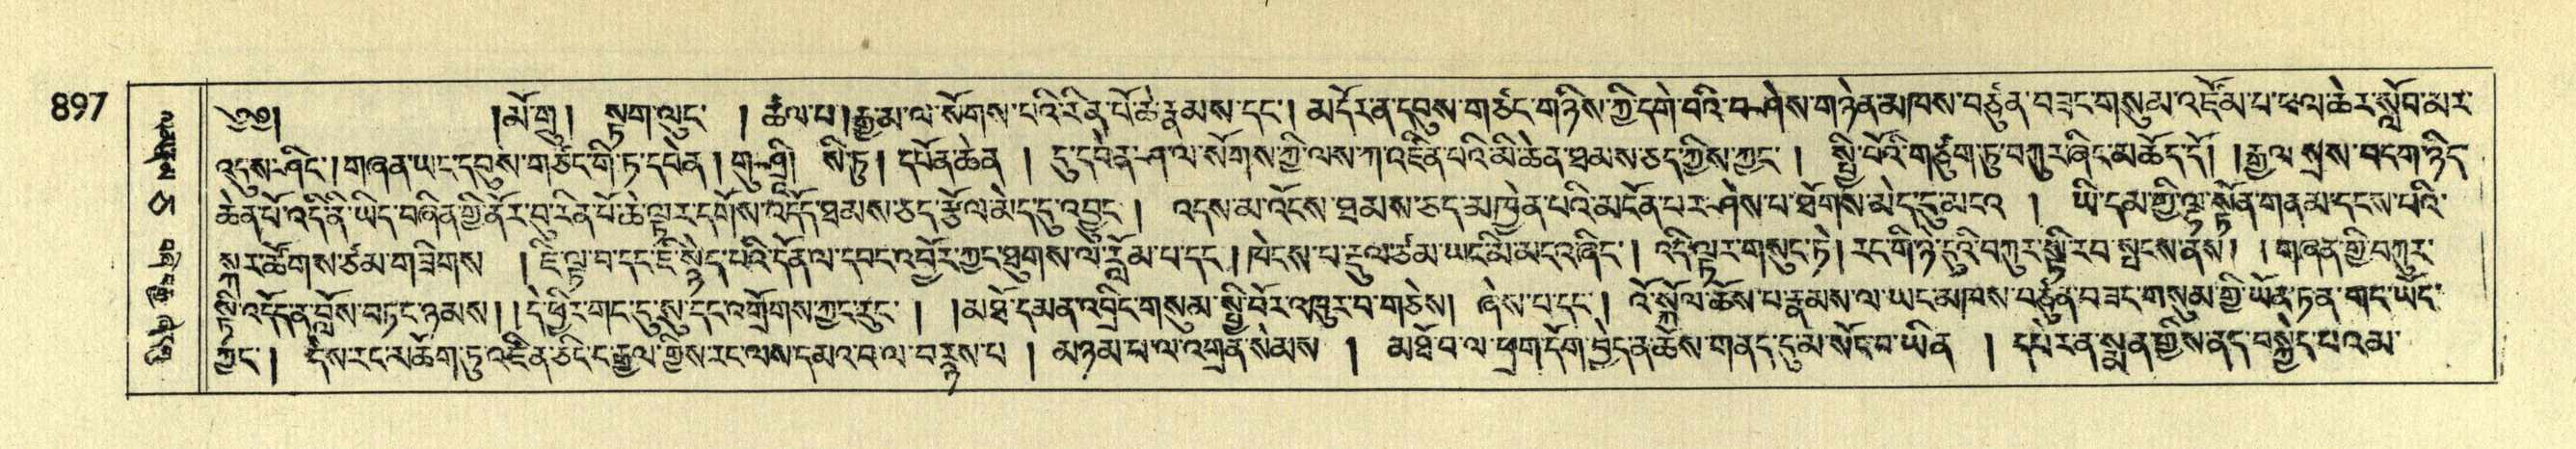༄༅། །མོ་གྲུ། སྟག་ལུང་།ཚལ་པ། རྒྱ་མ་ལ་སོགས་པའི་རིན་པོ་ཆེ་རྣམས་དང་། མདོར་ན་དབུས་གཙང་གཉིས་ཀྱི་དགེ་བའི་བཤེས་གཉེན་མཁས་བཙུན་བཟང་གསུམ་འཛོམ་པ་ཕལ་ཆེར་སློབ་མར་
འདུས་ཤིང་། གཞན་ཡང་དབུས་གཙང་གི་ཏ་དབེན། གུ་ཤྲཱི། སི་ཏུ། དཔོན་ཆེན་།དུ་དབེན་ཤ་ལ་སོགས་ཀྱི་ལས་ཀ་འཛིན་པའི་མི་ཆེན་ཐམས་ཅད་ཀྱིས་ཀྱང་། སྤྱི་པོའི་གཙུག་ཏུ་བཀུར་ཞིང་མཆོད་དོ། །རྒྱལ་སྲས་བདག་ཉིད་
ཆེན་པོ་འདི་ནི་ཡིད་བཞིན་གྱི་ནོར་བུ་རིན་པོ་ཆེ་ལྟར་དགོས་འདོད་ཐམས་ཅད་རྩོལ་མེད་དུ་འབྱུང་། འདས་མ་འོངས་ཐམས་ཅད་མཁྱེན་པའི་མངོན་པར་ཤེས་པ་ཐོགས་མེད་དུ་མངའ། ཡི་དམ་གྱི་ལྷ་སྟོན་གནམ་དངས་པའི་
སྐར་ཚོགས་ཙམ་གཟིགས་།ཇི་ལྟ་བ་དང་ཇི་སྙེད་པའི་དོན་ལ་དབང་འབྱོར་ཀྱང་ཐུགས་ལ་རློམ་པ་དང་། ཁེངས་པ་རྡུལ་ཙམ་ཡང་མི་མངའ་ཞིང་། འདི་ལྟར་གསུང་ཏེ། རང་གི་ཉེ་དུའི་བཀུར་སྟི་རབ་སྤངས་ནས། །གཞན་གྱི་བཀུར་
སྟི་འདོད་ན་བློས་བཏང་ཉམས། །དེ་ཕྱིར་གང་དུ་སུ་དང་འགྲོགས་ཀྱང་རུང་། །མཐོ་དམན་འབྲིང་གསུམ་སྤྱི་བོར་འཁུར་བ་གཅེས། ཞེས་པ་དང་། འོ་སྐོལ་ཆོས་པ་རྣམས་ལ་ཡང་མཁས་བཙུན་བཟང་གསུམ་གྱི་ཡོན་ཏན་གང་ཡོད་
ཀྱང་། དེས་རང་མཆོག་ཏུ་འཛིན་ཅིང་ང་རྒྱལ་གྱིས་རང་ལས་དམའ་བ་ལ་བརྙས་པ། མཉམ་པ་ལ་འགྲན་སེམས། མཐོ་བ་ལ་ཕྲག་དོག་བྱེད་ན་ཆོས་གནད་དུ་མ་སོང་བ་ཡིན་།དཔེར་ན་སྨན་གྱིས་ནད་བསྐྱེད་པའམ་